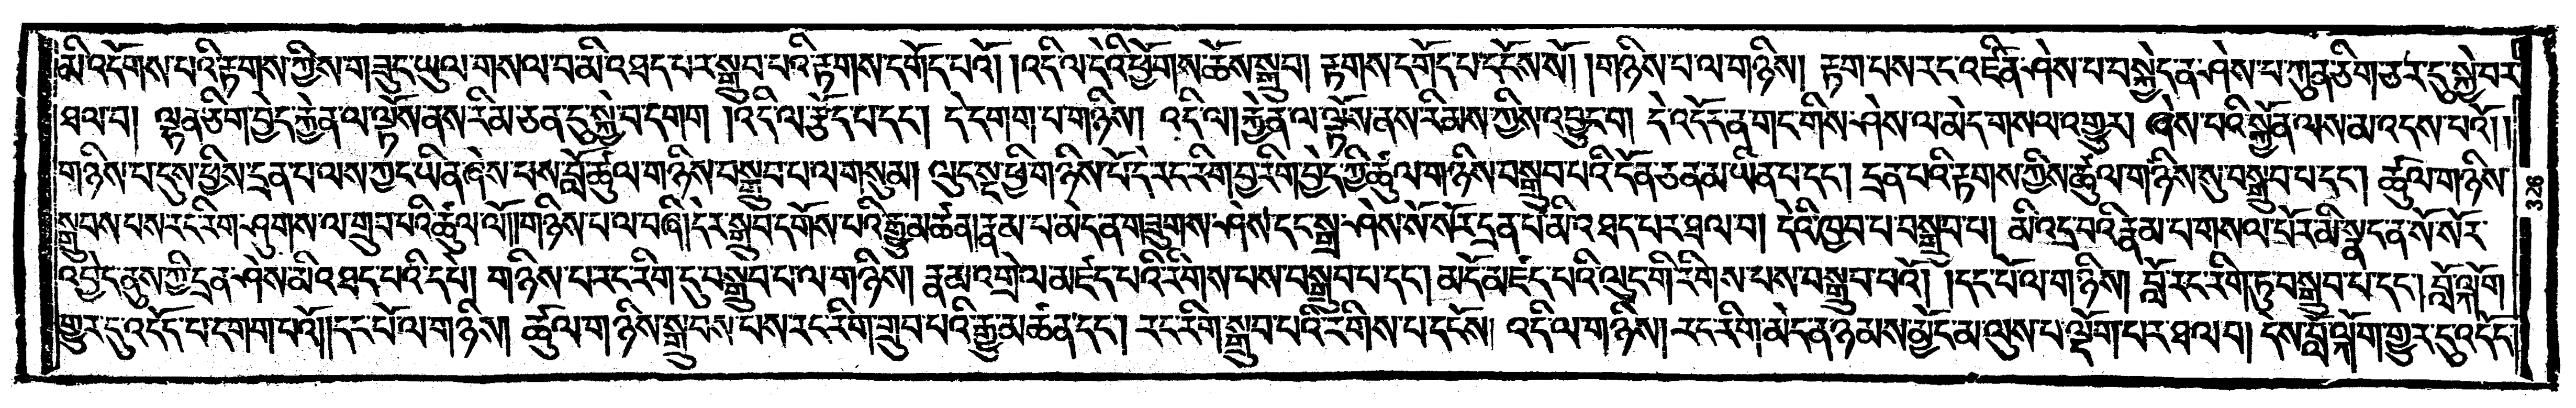མི་འདོགས་པའི་རྟགས་ཀྱིས་གཟུང་ཡུལ་གསལ་བ་མི་འཐད་པར་སྒྲུབ་པའི་རྟགས་དགོད་པའོ། །འདི་ལ་དེའི་ཕྱོགས་ཆོས་སྒྲུབ། རྟགས་དགོད་པ་དངོས་སོ། །གཉིས་པ་ལ་གཉིས། རྟག་པས་རང་འཛིན་ཤེས་པ་བསྐྱེད་ན་ཤེས་པ་ཀུན་ཅིག་ཅར་དུ་སྐྱེ་བར་
ཐལ་བ། ལྷན་ཅིག་བྱེད་རྐྱེན་ལ་ལྟོས་ནས་རིམ་ཅན་དུ་སྐྱེ་བ་དགག །འདི་ལ་རྩོད་པ་དང་། དེ་དགག་པ་གཉིས། འདི་ལ། རྐྱེན་ལ་ལྟོས་ནས་རིམས་ཀྱིས་འབྱུང་བ། དེ་འདོད་ན་གང་གིས་ཤེས་ལ་མེད་གསལ་འགྱུར། ཞེས་པའི་སྐྱོན་ལས་མ་འདས་པའོ།།
གཉིས་པ་དུས་ཕྱིས་དྲན་པ་ལས་ཀྱང་ཡིན་ཞེས་པས་བློ་ཚུལ་གཉིས་བསྒྲུབ་པ་ལ་གསུམ། ལུང་སྔ་ཕྱི་གཉིས་པོ་དེ་རང་རིག་བྱ་རིག་བྱེད་ཀྱི་ཚུལ་གཉིས་བསྒྲུབ་པའི་དོན་ཅན་མ་ཡིན་པ་དང་། དྲན་པའི་རྟགས་ཀྱིས་ཚུལ་གཉིས་སུ་བསྒྲུབ་པ་དང་། ཚུལ་གཉིས་
སྒྲུབས་པས་རང་རིག་ཤུགས་ལ་གྲུབ་པའི་ཚུལ་ལོ། །གཉིས་པ་ལ་བཞི། དེར་སྒྲུབ་དགོས་པའི་རྒྱུ་མཚན། རྣམ་པ་མེད་ན་གཟུགས་ཤེས་དང་སྒྲ་ཤེས་སོ་སོར་དྲན་པ་མི་འཐད་པར་ཐལ་བ། དེའི་ཁྱབ་པ་བསྒྲུབ་པ། མི་འདྲ་བའི་རྣམ་པ་གསལ་པོར་མི་སྣང་ན་སོ་སོར་
འབྱེད་ནུས་ཀྱི་དྲན་ཤེས་མི་འཐད་པའི་དཔེ། གཉིས་པ་རང་རིག་དུ་བསྒྲུབ་པ་ལ་གཉིས། རྣམ་འགྲེལ་མཛད་པའི་རིགས་པས་བསྒྲུབ་པ་དང་། མདོ་མཛད་པའི་ལུང་གི་རིགས་པས་བསྒྲུབ་པའོ། །དང་པོ་ལ་གཉིས། བློ་རང་རིག་ཏུ་བསྒྲུབ་པ་དང་། བློ་ལྐོག་
གྱུར་དུ་འདོད་པ་དགག་པའོ། །དང་པོ་ལ་གཉིས། ཚུལ་གཉིས་སྒྲུབས་པས་རང་རིག་གྲུབ་པའི་རྒྱུ་མཚན་དང་། རང་རིག་སྒྲུབ་པའི་རིགས་པ་དངོས། འདི་ལ་གཉིས། རང་རིག་མེད་ན་ཉམས་མྱོང་མ་ལུས་པ་ལྡོག་པར་ཐལ་བ། དེས་བློ་ལྐོག་གྱུར་དུ་འདོད་